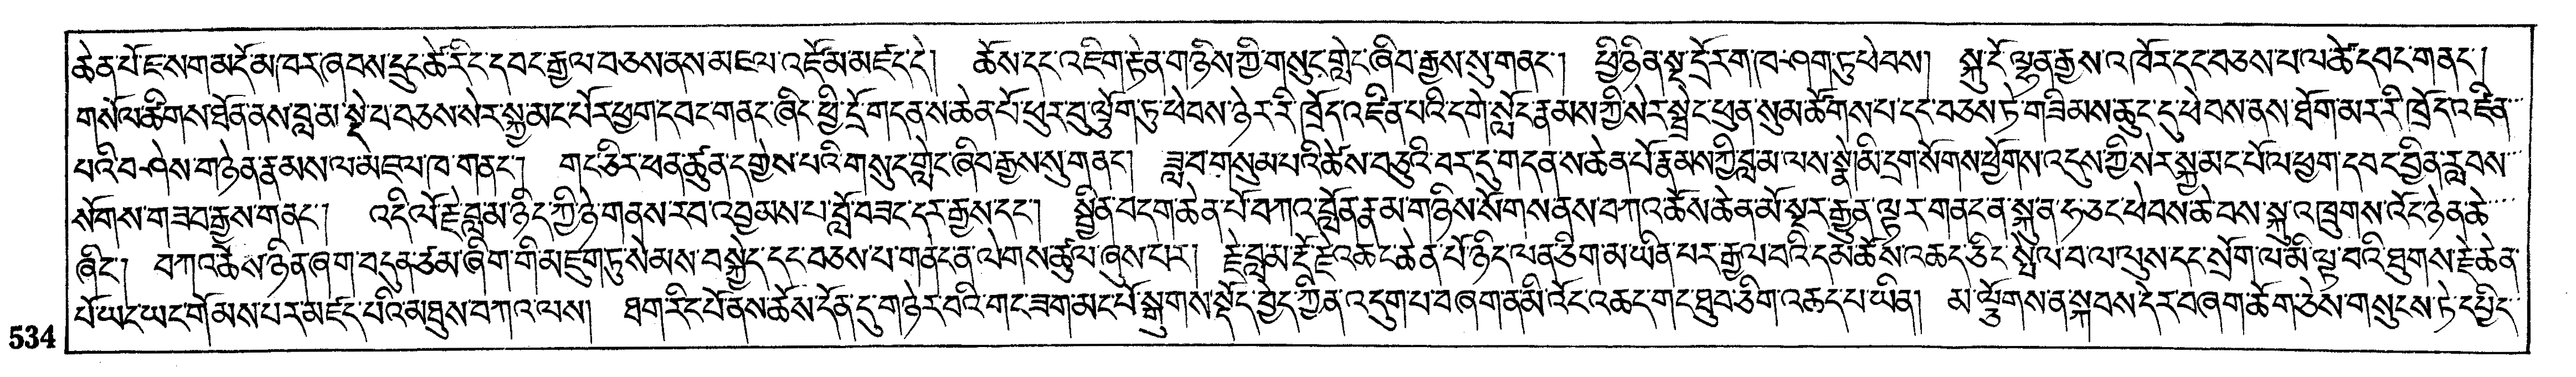ཆེན་པོ་ཇ་སག་མདོ་མཁར་ཞབས་དྲུང་ཚེ་རིང་དབང་རྒྱལ་བཅས་ནས་མཇལ་འཛོམ་མཛད་དེ། ཆོས་དང་འཇིག་རྟེན་གཉིས་ཀྱི་གསུང་གླེང་ཞིབ་རྒྱས་སུ་གནང་། ཕྱི་ཉིན་སྔ་དྲོ་རག་ཁ་ཤག་ཏུ་ཕེབས། སྐུ་ངོ་ལྷན་རྒྱས་འཁོར་དང་བཅས་པ་ལ་ཚེ་དབང་གནང་།
གསོལ་ཚིགས་ཐོན་ནས་བླ་མ་སྡེ་པ་བཅས་སེར་སྐྱ་མང་པོར་ཕྱག་དབང་གནང་ཞིང་ཕྱི་དྲོ་གདན་ས་ཆེན་པོ་ཕུར་བུ་ལྕོག་ཏུ་ཕེབས་ཉེར་རི་ཁྲོད་འཛིན་བའི་དགེ་སློང་རྣམས་ཀྱི་སེར་སྦྲེང་ཕུན་སུམ་ཚོགས་པ་དང་བཅས་ཏེ་གཟིམས་ཆུང་དུ་ཕེབས་ནས་ཐོག་མར་རི་ཁྲོད་འཛིན་
པའི་བཤེས་གཉེན་རྣམས་ལ་མཇལ་ཁ་གནང་། གང་ཅིར་ཕན་ཚུན་དགྱེས་པའི་གསུང་གླེང་ཞིབ་རྒྱས་སུ་གནང་། ཟླ་བ་གསུམ་པའི་ཚེས་བཅུའི་བར་དུ་གདན་ས་ཆེན་པོ་རྣམས་ཀྱི་བླ་མ་ལས་སྣེ་མི་དྲག་སོགས་ཕྱོགས་འདུས་ཀྱི་སེར་སྐྱ་མང་པོ་ལ་ཕྱག་དབང་བྱིན་རླབས་
སོགས་གཟབ་རྒྱས་གནང་། འདི་ལོ་རྗེ་བླ་མ་ཉིད་ཀྱི་ཉེ་གནས་རབ་འབྱམས་པ་བློ་བཟང་དར་རྒྱས་དང་། སྦྱིན་བདག་ཆེན་པོ་བཀའ་བློན་རྣམ་གཉིས་སོགས་ནས་བཀའ་ཆོས་ཆེན་མོ་སྔར་རྒྱུན་ལྟར་གནང་ན་སྐུ་ན་ཧ་ཅང་ཕེབས་ཆེ་བས་སྐུ་འཁྲུགས་འོང་ཉེན་ཆེ་
ཞིང་། བཀའ་ཆོས་ཉིན་ཞག་བདུན་ཙམ་ཞིག་གི་མཇུག་ཏུ་སེམས་བསྐྱེད་དང་བཅས་པ་གནང་ན་ལེགས་ཚུལ་ཞུས་པར། རྗེ་བླ་མ་རྡོ་རྗེ་འཆང་ཆེན་པོ་ཉིད་ལན་ཅིག་མ་ཡིན་པར་རྒྱལ་བའི་དམ་ཆོས་འཆད་ཅིང་སྤེལ་བ་ལ་ལུས་དང་སྲོག་ལ་མི་ལྟ་བའི་ཐུགས་རྗེ་ཆེན་
པོ་ཡང་ཡང་གོམས་བར་མཛད་པའི་མཐུས་བཀའ་ལས། ཐག་རིང་པོ་ནས་ཆོས་དོན་དུ་གཉེར་བའི་གང་ཟག་མང་པོ་སྒུགས་སྡོད་བྱེད་ཀྱིན་འདུག་པ་བཞག་ན་མི་འོང་འཆད་གང་ཐུབ་ཅིག་འཆད་པ་ཡིན། མ་ལྕོགས་ན་སྐབས་དེར་བཞག་ཆོག་ཅེས་གསུངས་ཏེ་དཔྱིད་